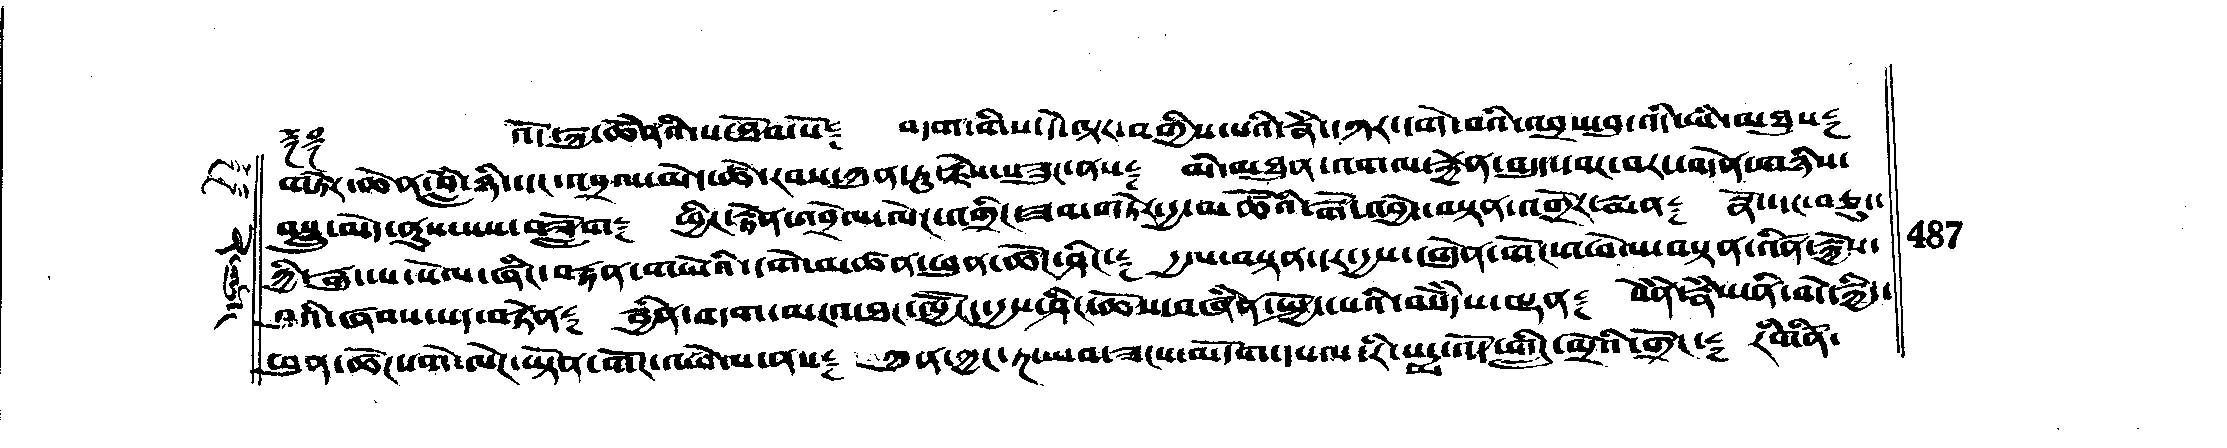འོད་སྐུ་ཆེན་པོའི་ས་ཐོབ་བོ། །བདག་གིས་དེ་ལྟར་བགྱིས་པའི་རྣམ་དཀར་དགེ་བའི་འབྲས་བུ་འདི་ཡི་མཐུས། །
གཏེར་ཆེན་བླ་མ་ཉིད་དང་འབྲལ་མེད་ཚེ་རབས་ཀུན་ཏུ་རྗེས་བཟུང་ནས། །མི་མཐུན་འགལ་རྐྱེན་བདུད་དབང་བར་ཆད་དོན་གཉིས་
བསླུ་མེད་ནུས་པས་བཟློག །ཕྱི་ནང་རྟེན་འབྲེལ་ལེགས་འགྲིགས་ཟབ་གཏེར་རྒྱ་མཚོའི་སྒོ་འབྱེད་བསྟན་འགྲོར་སྨན། །སྣོད་དང་བཅུད་
ཀྱི་རྒུད་པ་སེལ་ཞིང་བརྟན་གཡོའི་དགེ་མཚན་ཕུན་ཚོགས་ཤིང་། །རྒྱལ་བསྟན་དར་རྒྱས་དགེ་འདུན་གོང་འཕེལ་བསྟན་འཛིན་སྐྱེས་
བུའི་ཞབས་པད་བརྟན། །སྦྱིན་བདག་མངའ་ཐང་ལོངས་སྤྱོད་རྒྱས་ཤིང་ཆོས་བཞིན་སྤྱོད་པའི་བསོད་ནམས་ལྡན། །སེམས་ཅན་རྣམས་ནི་བདེ་སྐྱིད་
ཕུན་ཚོགས་དགེ་ལེགས་ཡོན་ཏན་གོང་འཕེལ་ནས། །ཀུན་ཀྱང་རྔ་ཡབ་ཟངས་མདོག་དཔལ་རི་པདྨ་འོད་གླིང་མཁའ་འགྲོའི་གྲོང་། །རིག་འཛིན་